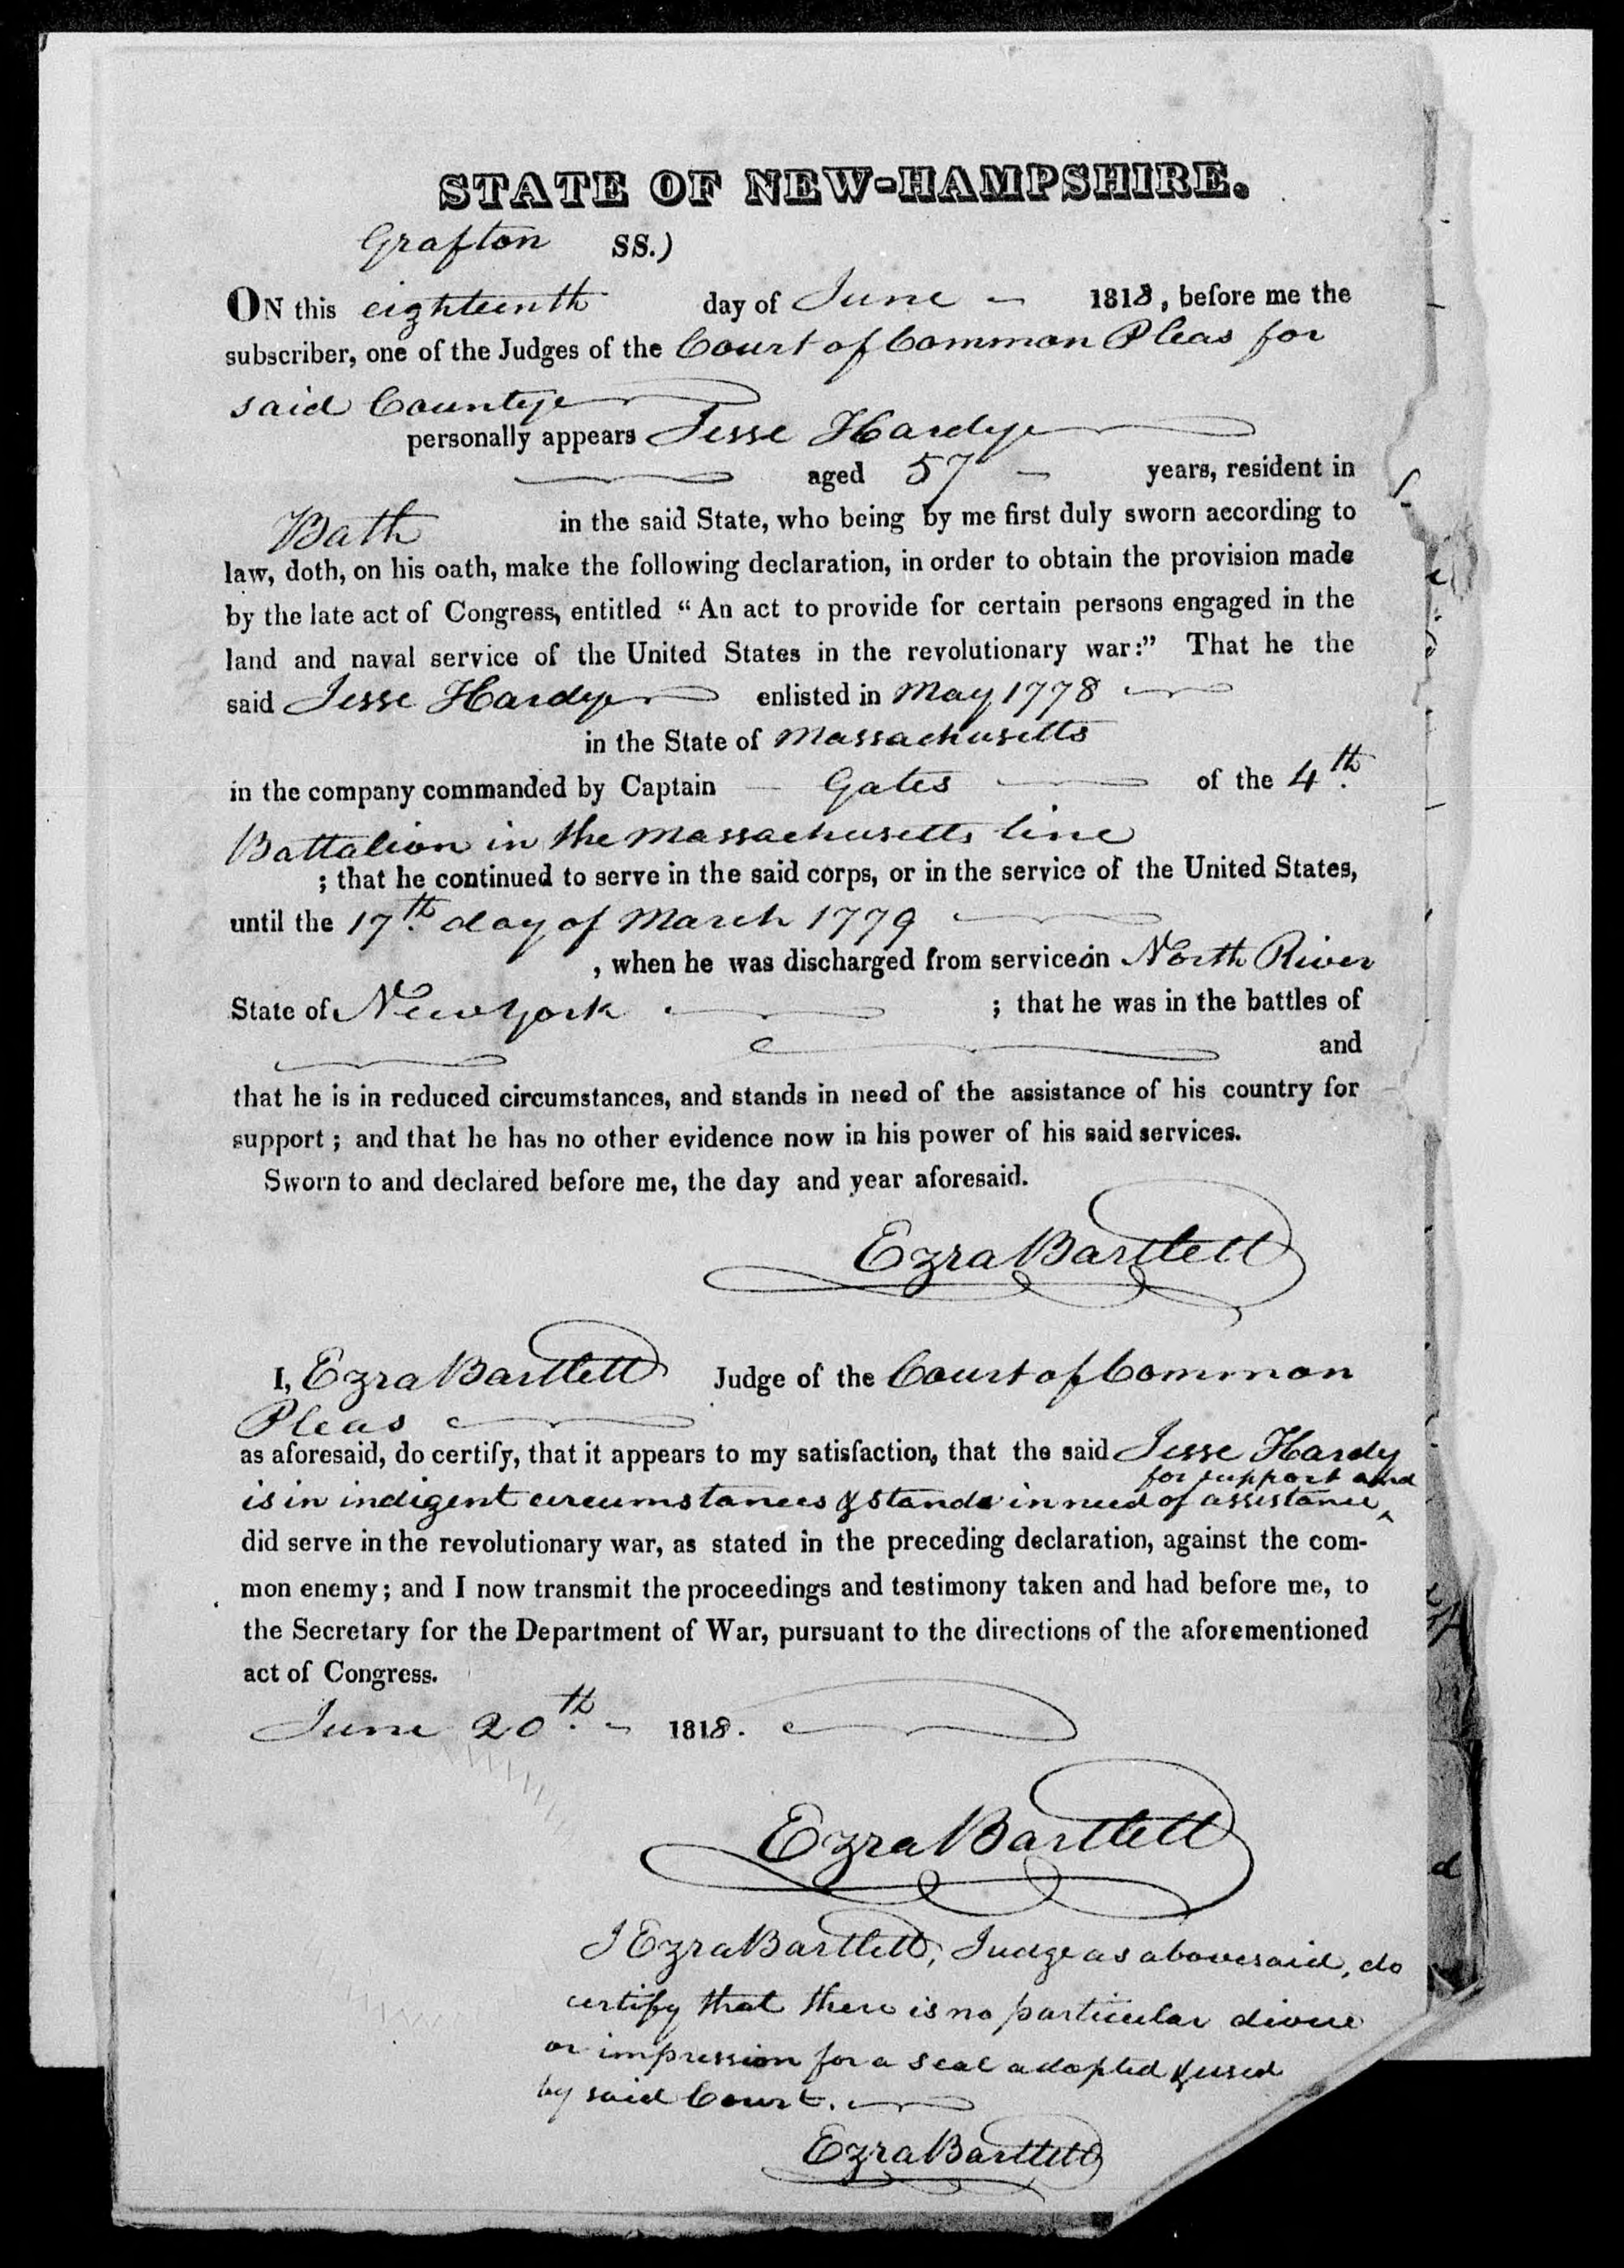State of New Hampshire.
Grafton  SS.)
On this eighteenth day of June 1818, before me the subscriber, one of the Judges of the Court of Common Pleas for said Country personally appears Jesse Hardy aged 57 years, resident in Bath in the said State, who being by me first duly sworn according to law, doth, on his oath, make the following declaration, in order to obtain the provision made by the late act of Congress, entitled "An act to provide for certain persons engaged in the land and naval service of the United States in the revolutionary war:"  That he the said Jesse Hardy enlisted in May 1778 in the State of Massachusetts in the company commanded by Captain Gates of the 4th Battalion in Massachusetts line; that he continued to serve in the said corps, or in the service of the United States, until the 17th day of March 1779, when he was discharged from service in North River State of New York; that he was in the battles of [none listed] and that he is in reduced circumstances, and stands in need of the assistance of his country for support; and that he has no other evidence now  in his power of his said service.  Sworn to and declared before me, the day and year aforesaid. 
Ezra Bartlett
I, Ezra Bartlett Judge of the Court of Common Pleas as aforesaid, do certify, that it appears to my satisfaction, that the said Jesse Hardy is in indigent circumstances and stands in need of assistance for support and did serve in the revolutionary war, as stated in the preceding declaration, against the common enemy; and I now transmit the proceedings and testimony taken and had before me, to the Secretary for the Department of War, pursuant to the directions of the aforementioned act of Congress.
June 20th 1818.
Ezra Bartlett
I Ezra Bartlett, Judge as above said, do certify that there is no particular [illegible] or impression for a seal adopted [illegible] by said Court.
Ezra Bartlett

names: Jesse Hardye, Ezra Bartlett, Ezra Bartlett, Gates, Ezra Bartlett, Ezra Bartlett, Jesse Hardy, Ezra Bartlett, Jesse Hardye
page: 7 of 67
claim: widow's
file: W. 23183, Jesse Hardy, Mass.